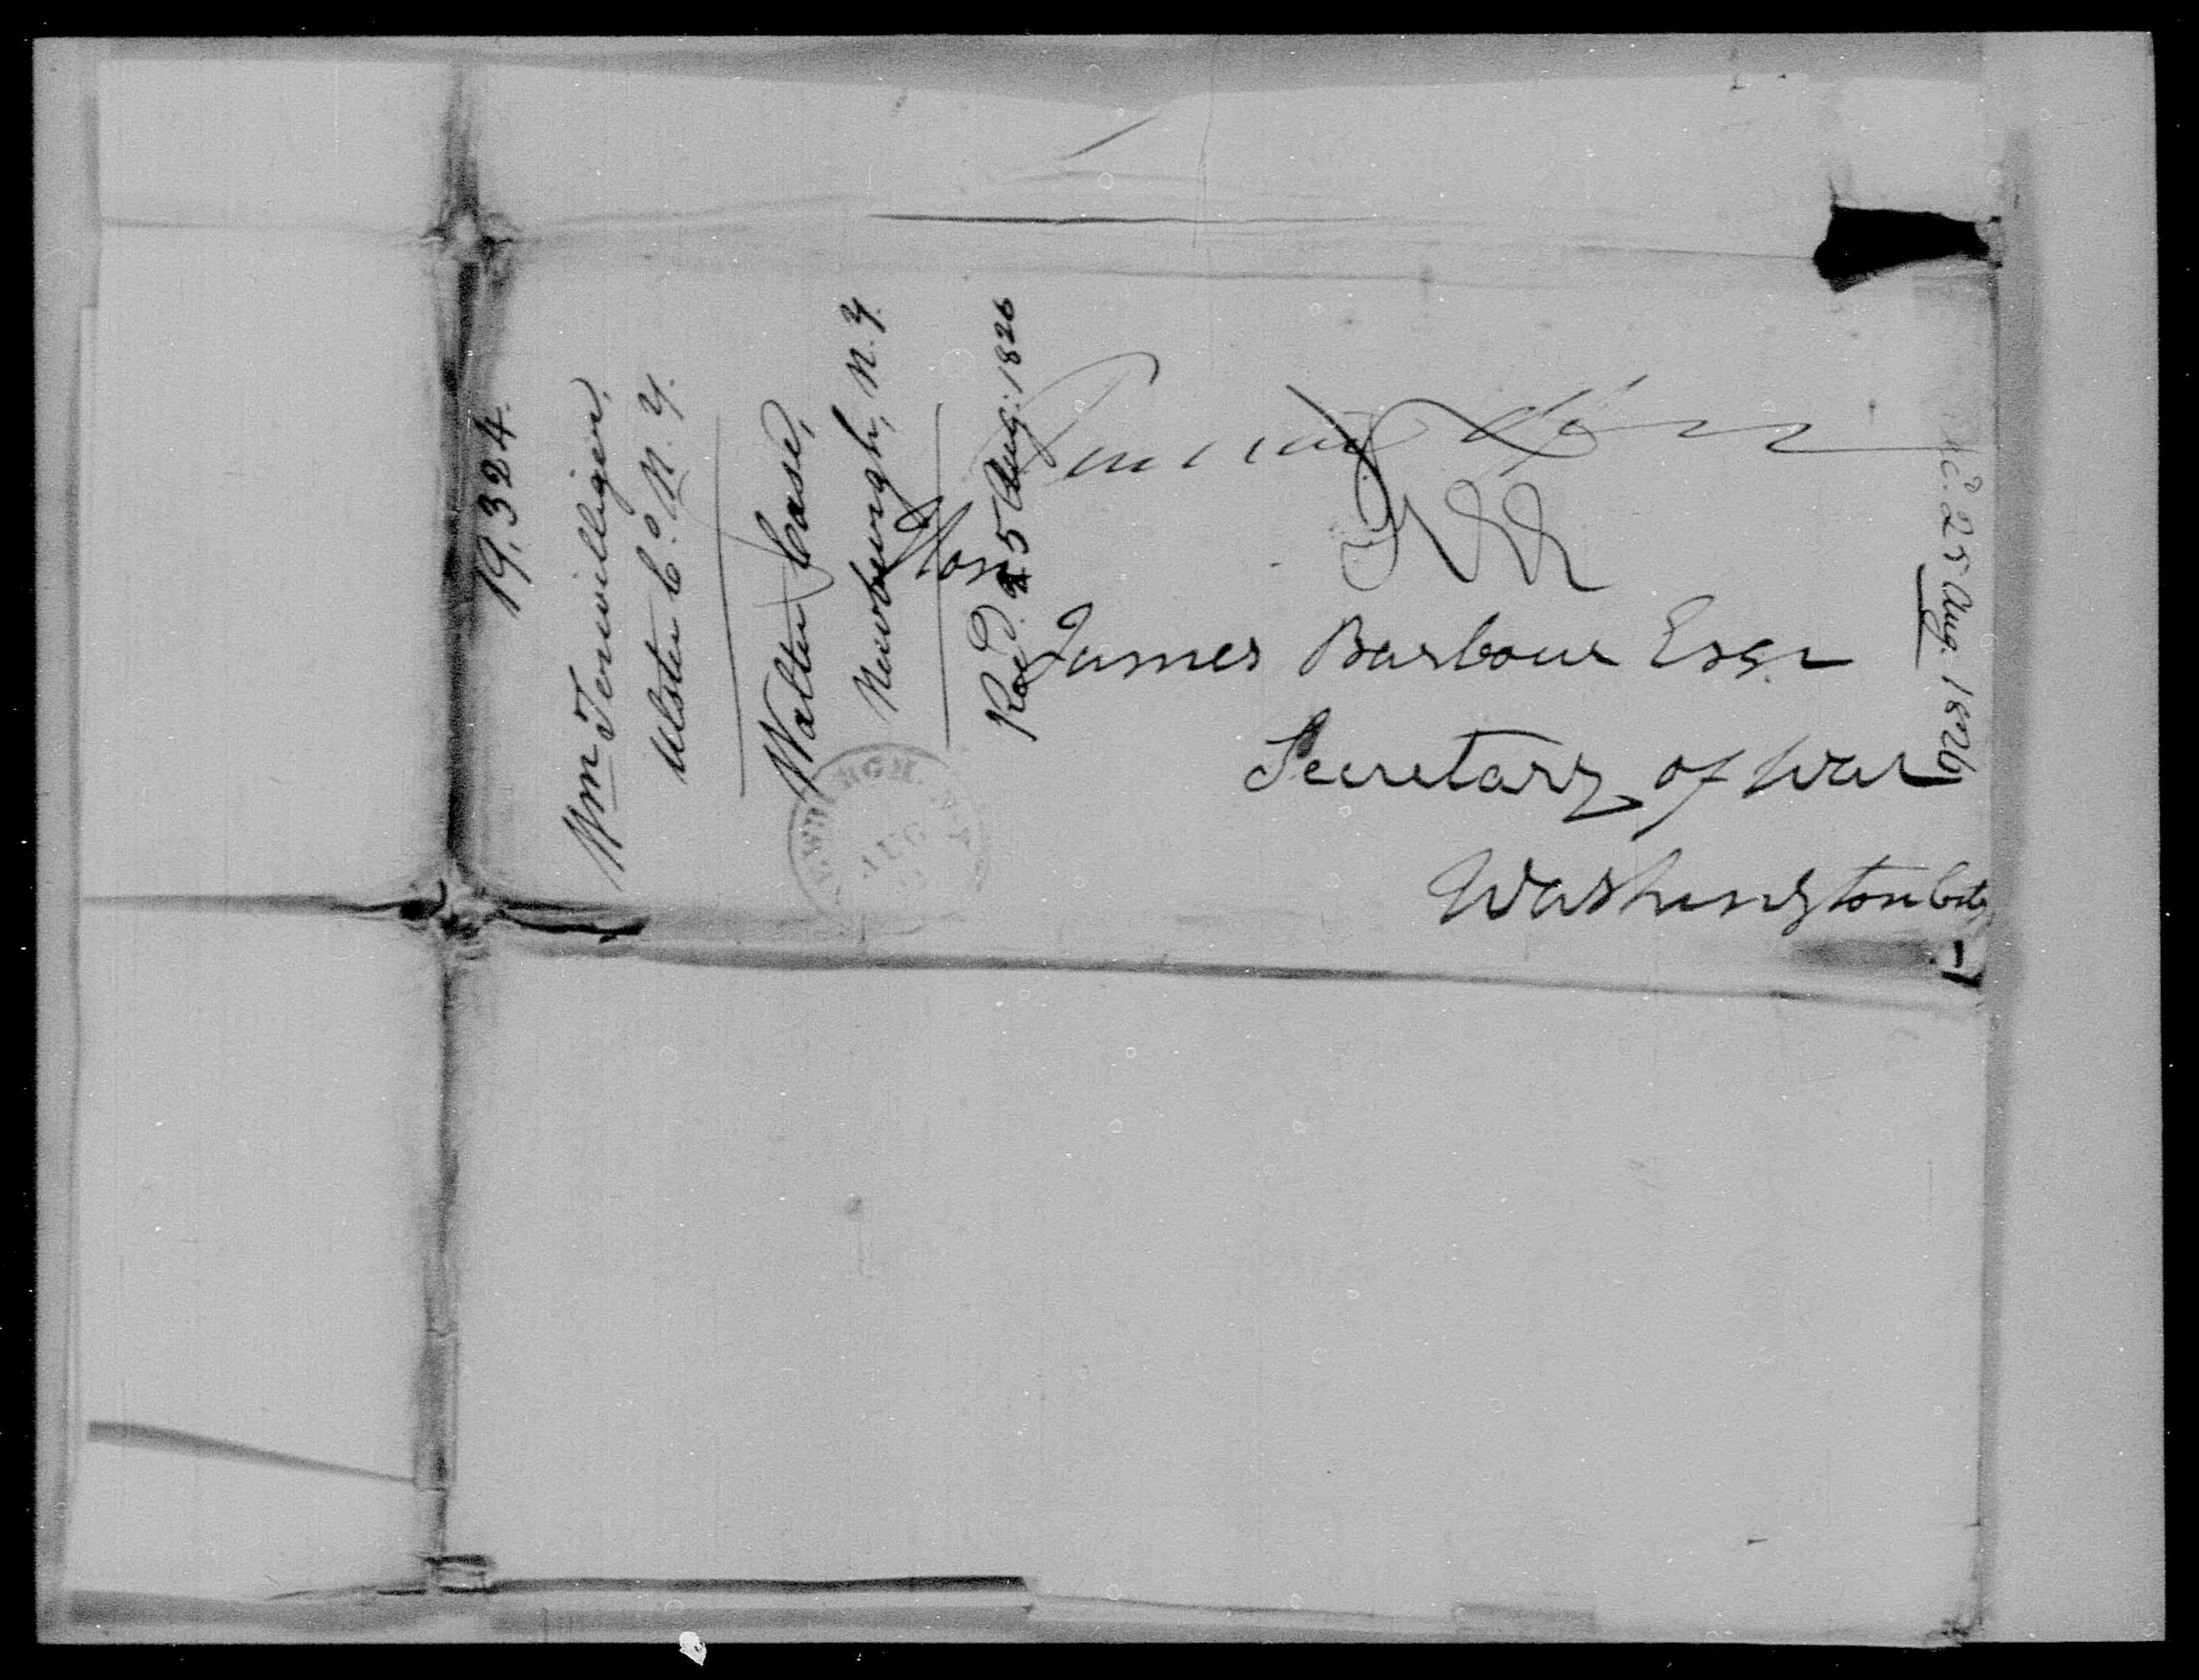19324
Wm Terwilliger,
Ulster Co.

Walter Case
Newburgh N.Y. 
Rec'd 15 Aug 1826


James Barbour Esqr
Secretary of War
Washington City
to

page: 23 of 64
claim: survivor's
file: S. 42,464, for William Terwilliger, New York